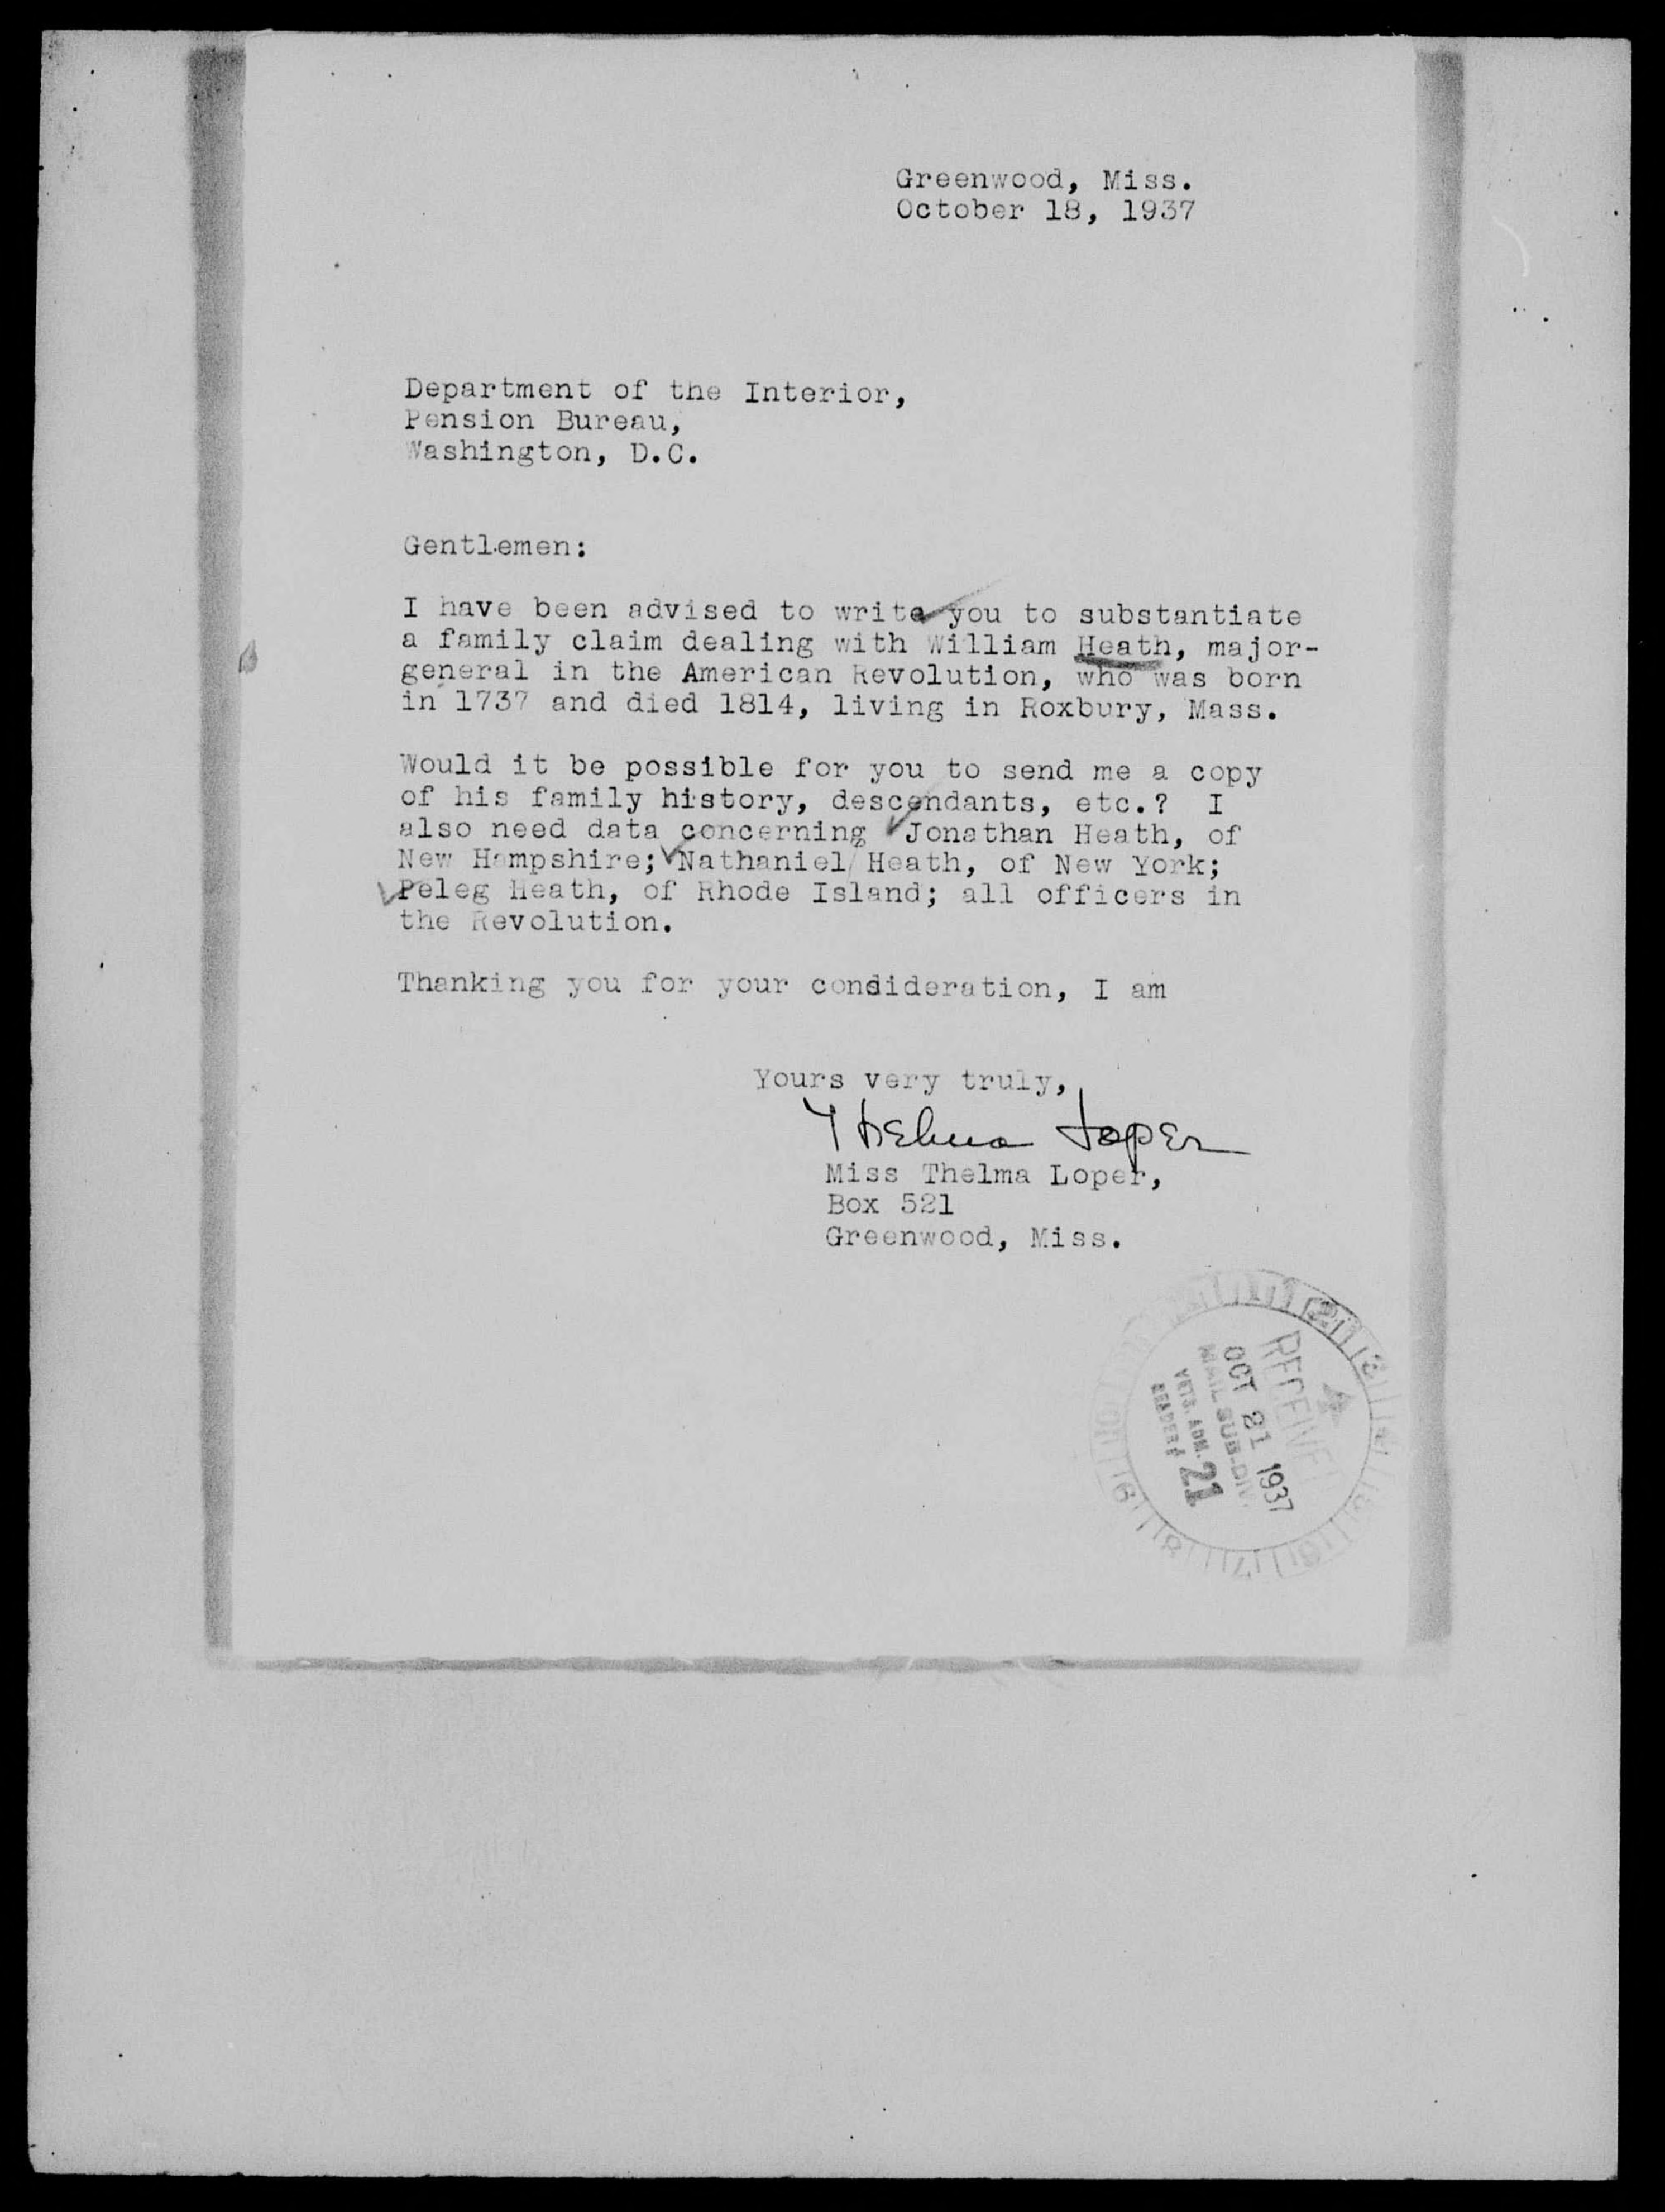Greenwood, Miss.
October 18, 1937

Department of the Interior,
Pension Bureau.
Washington, D. C.

Gentlemen:
I have been advised to write you to substantiate
a family claim dealing with William Heath, major-general in the American Revolution, who was born in 1737 and died 1814, living in Roxbury, Mass.
Would it be possible for you to send me a copy of his family history, descendants, etc.? I
also need data concerning Jonathan Heath, of
New Hampshire; Nathaniel Heath, of New York;
Peleg heath, of Rhode Island; all officers in
the Revolution.

Thanking you for your consideration, I am
Yours very truly,
Thelma Loper
Miss Thelma Loper,
Box 521
Greenwood, Miss.

Received Oct. 21, 1937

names: Jonathan Heath, Nathaniel Heath, William Heath, Thelma Loper, Thelma Loper, Peleg Heath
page: 20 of 22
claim: survivor's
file: S. 38821, Jonathan Heath, Continental N.H.